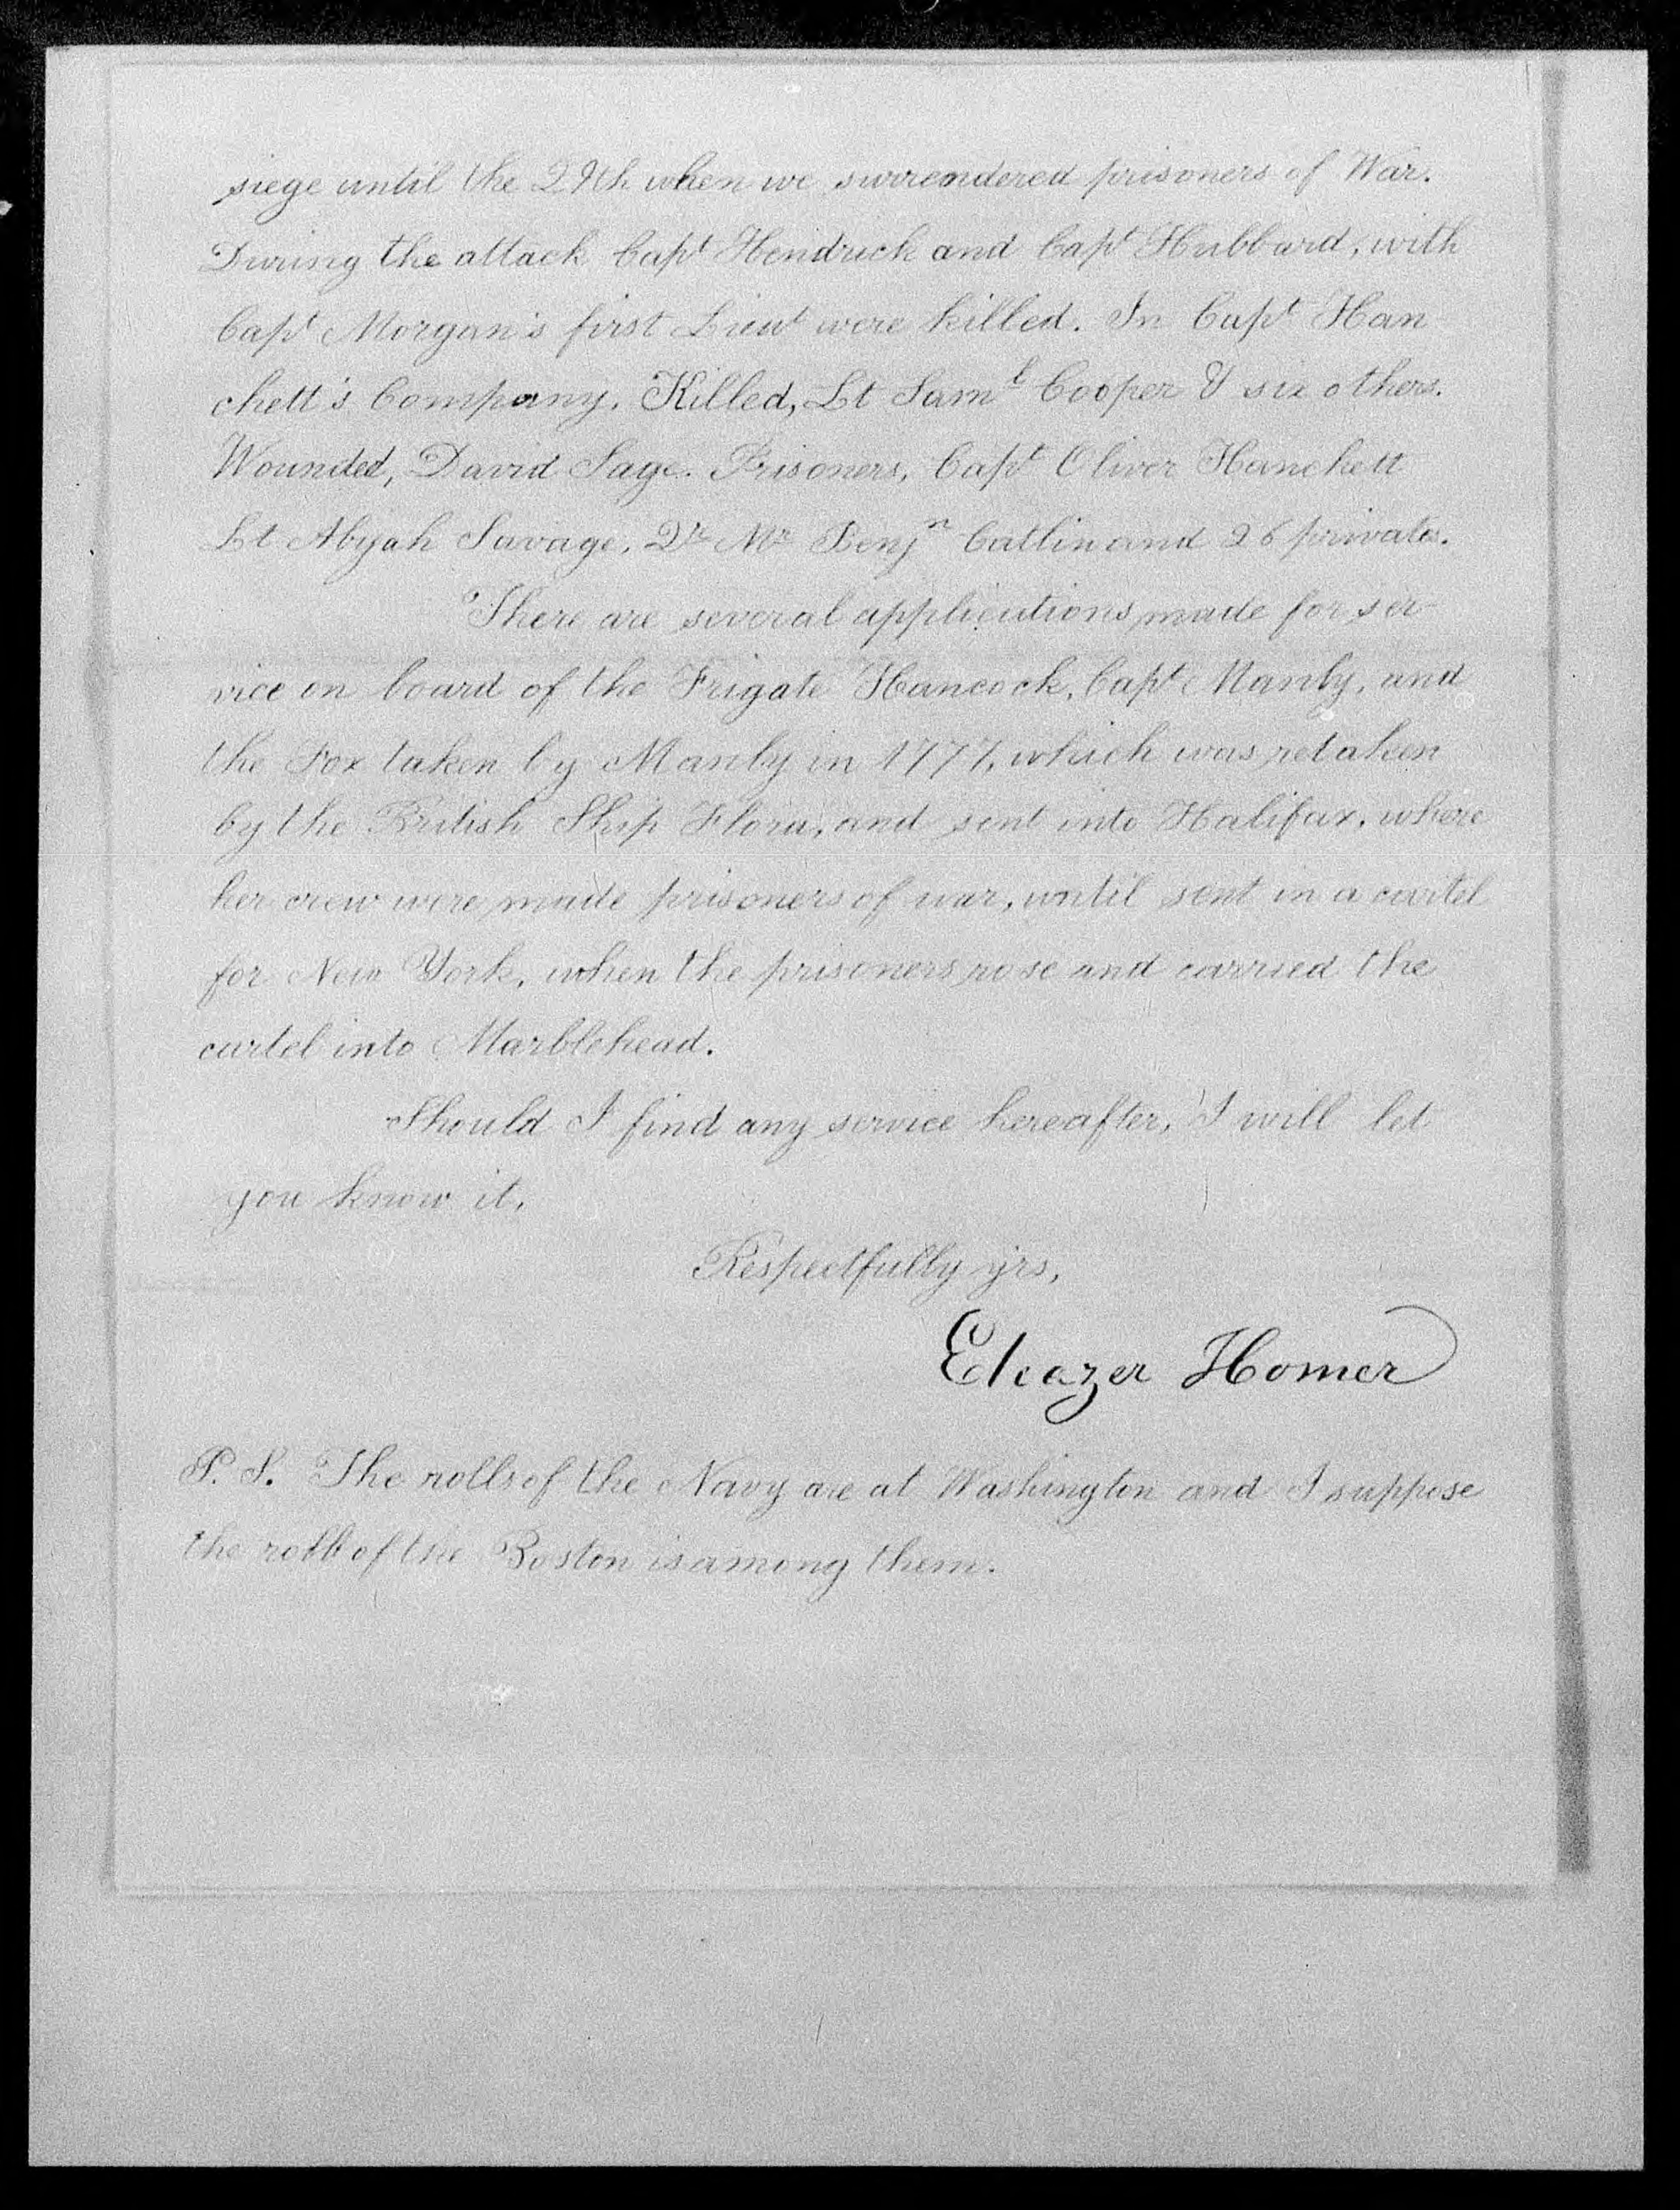siege until the 29th when we surrendered prisoners of War. During the attack Capt Hendrick and Capt Hubbard, with Capt Morgan's first Lieut were killed. In Capt Hanchett's Company, Killed, Lt Saml Cooper & six others. Wounded, David Sage. Prisoners, Capt Oliver Hanchett, Lt. Abyah Savage, Qr Mr Benjn Catlin and 26 privates.
There are several applications made for service on board of the Frigate Hancock, Capt Manly, and the Fox taken by Manly in 1777, which was retaken by the British Ship Flora, and sent into Halifax, where her crew were made prisoners of war, until sent in a cartel for New York, when the prisoners rose and carried the cartel into Marblehead.
Should I find any service hereafter, I will let you know it.

Respectfully yrs,
Eleazer Homer

P.S. The rolls of the Navy are at Washington and I suppose the roll of the Boston is among them.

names: Saml Cooper; Oliver Hanchett; [BLANK] Manly; Benjn Cuttin; Eleazer Homer; [BLANK] Hubbard; David Saye; [BLANK] Hendrick; [BLANK] Morgan; Abijah Savage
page: 32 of 60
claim: widow's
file: W. 14,036, for James Knowles, Connecticut